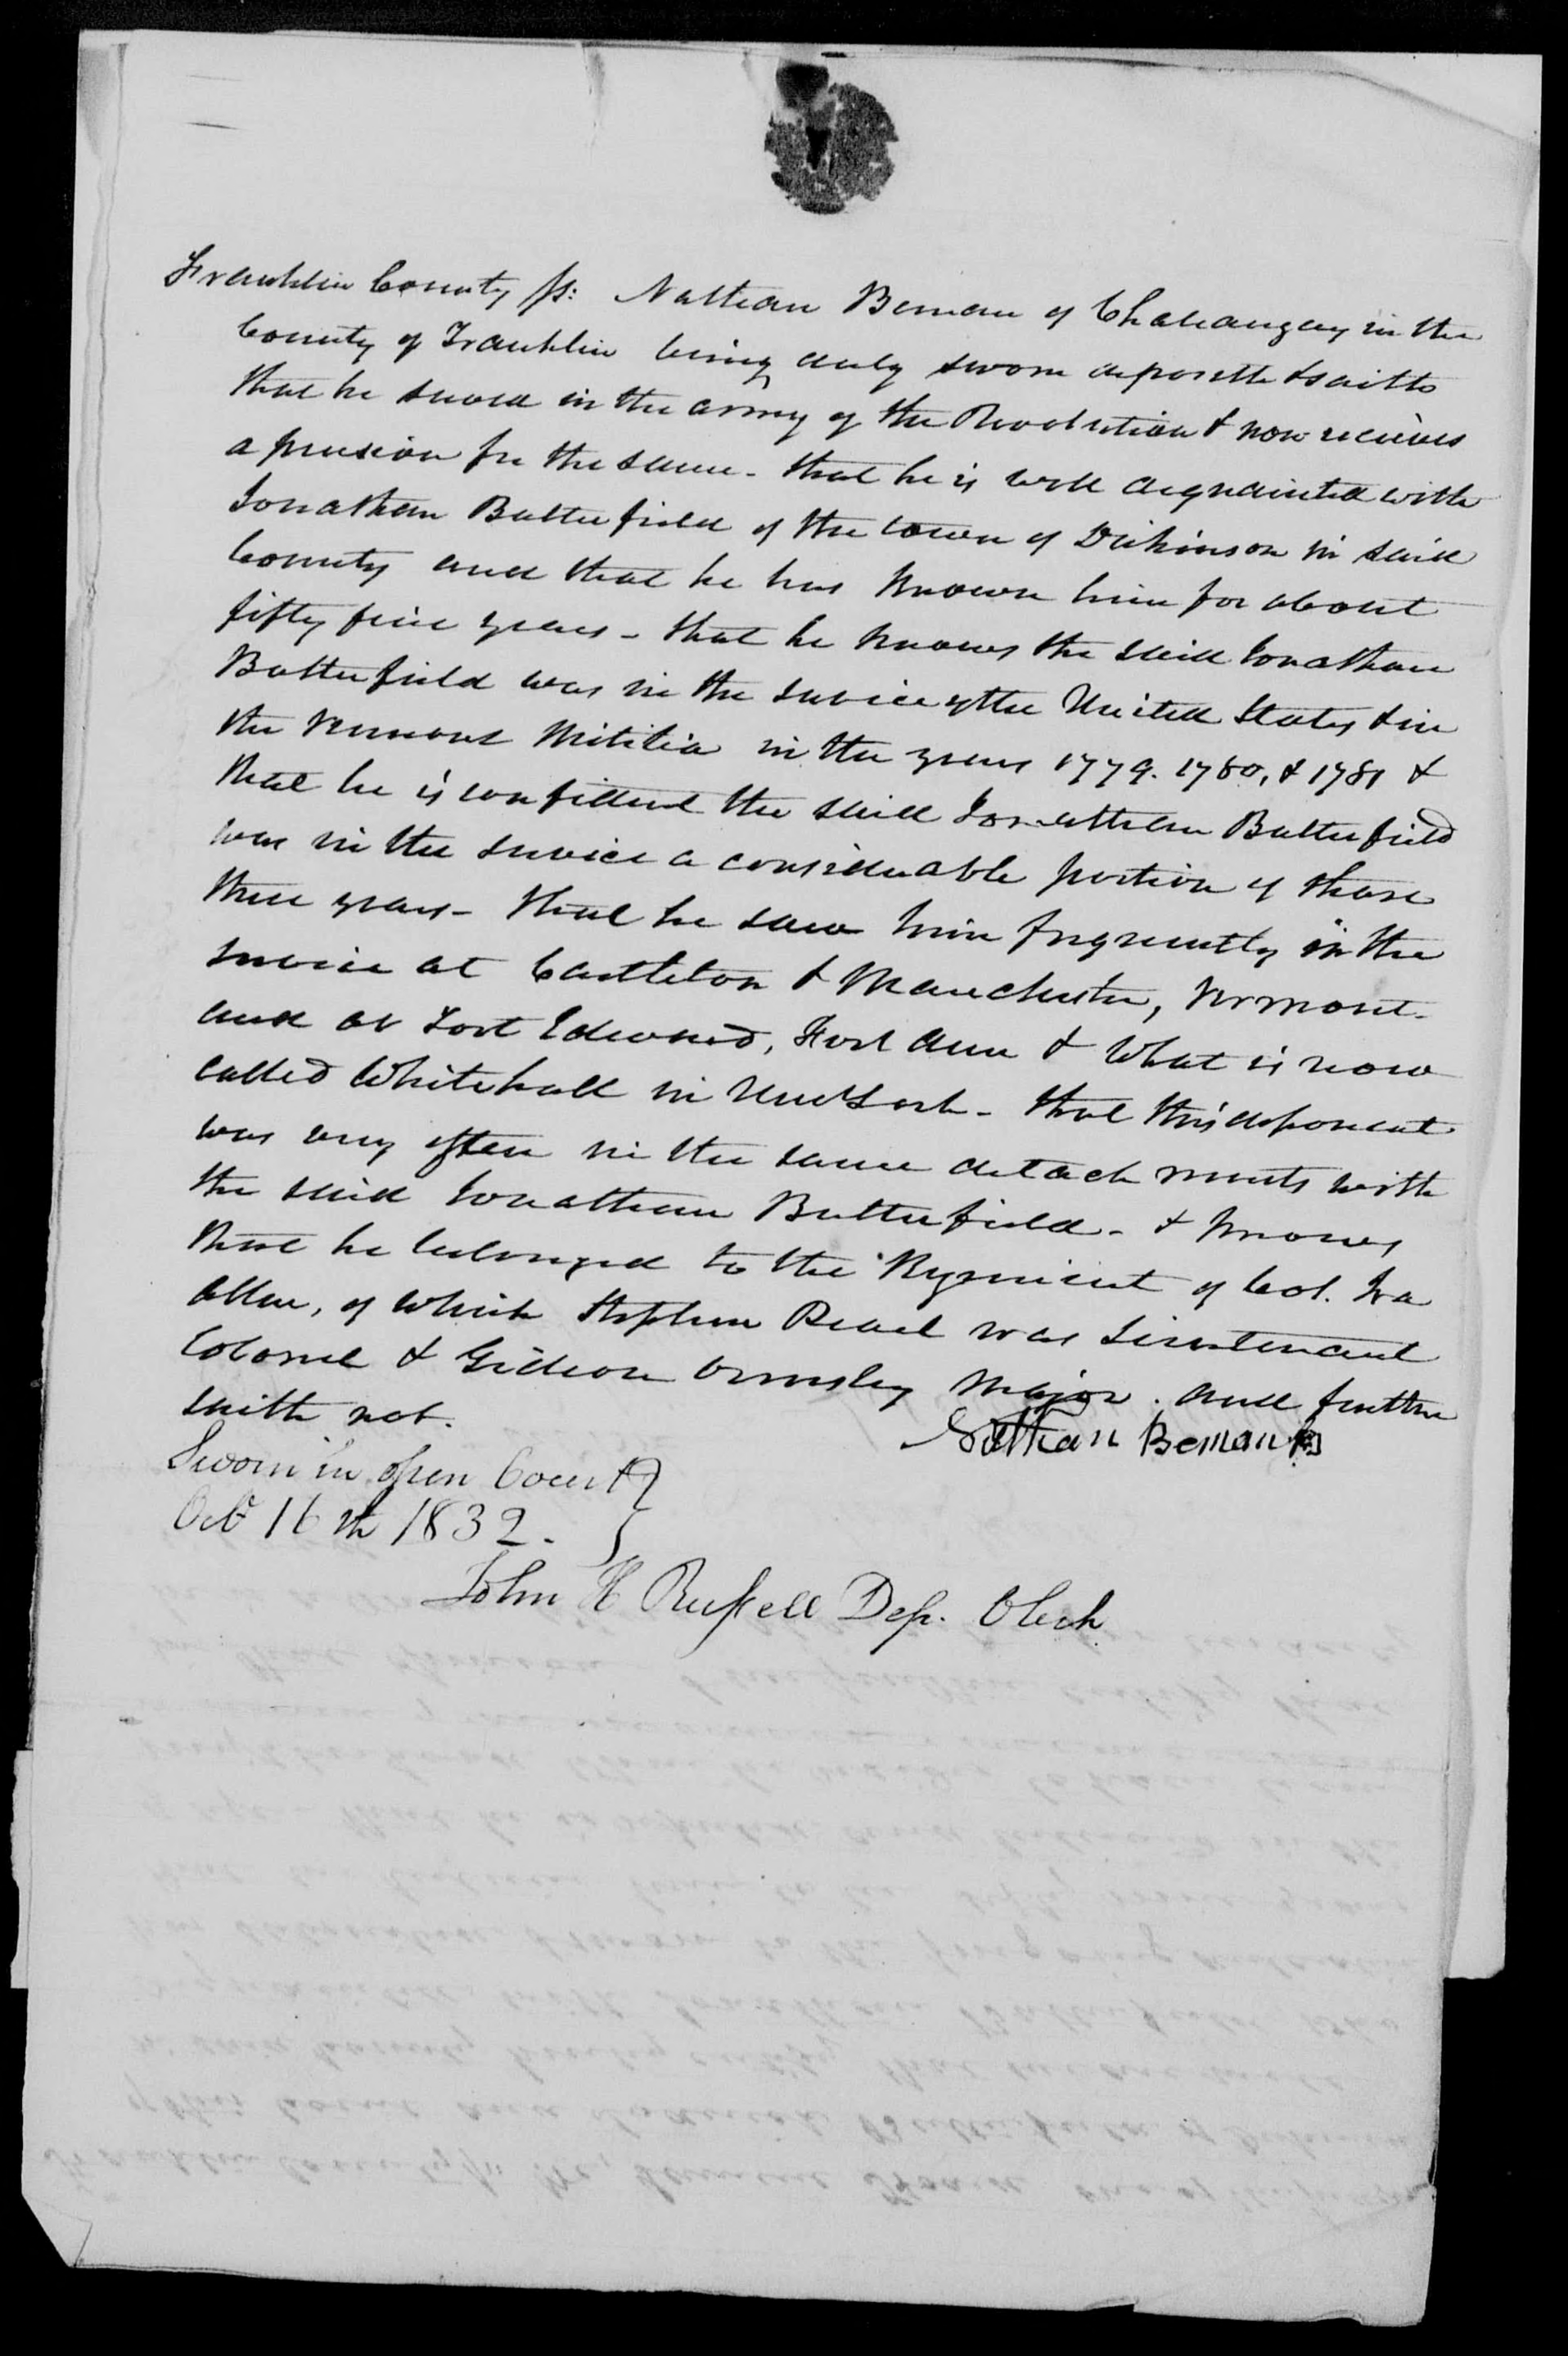Franklin County ss: 
Nathan Beman of Chateaugay in the
County of Franklin being duly sworn deposeth & saith that he served in the army of the Revolution & now received a pension for the same that he is well acquainted with
Jonathan Butterfield of the town of Dickinson in said County and that he has known him for about fifty five years - that he knows the said Jonathan Butterfield was in the service of the United States & in the Vermont Militia in the year 1779, 1780, & 1781 & that he is confident the said Jonathan Butterfield
was in the service a considerable portion of those there years - that he saw him frequently in the service at Castleton & Manchester, Vermont and at Fort Edward, Fort Ann & what is now called Whitehall in New York that this deponent was often in the same detachments with the said Jonathan Butterfield & knows
that he belonged to the Regiment of Col.
Allen, of which Stephen Pearl was Lieutenant
Colone; & Gideon Ormsby Major and further
saith not.
         Nathan Berman
  

Sworn in open Court Oct 16th 1832
John H. Russell, Deputy Clerk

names: Nathan Bernan, Jonathan Butterfield, Jonathan Butterfield, Nathan Bernan, Stephen Pearl, Gideon Ormsby, John H Russell, Jonathan Butterfield, Jonathan Butterfield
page: 38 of 40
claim: rejected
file: R. 1558, Jonathan Butterfield, Mass. Vt.